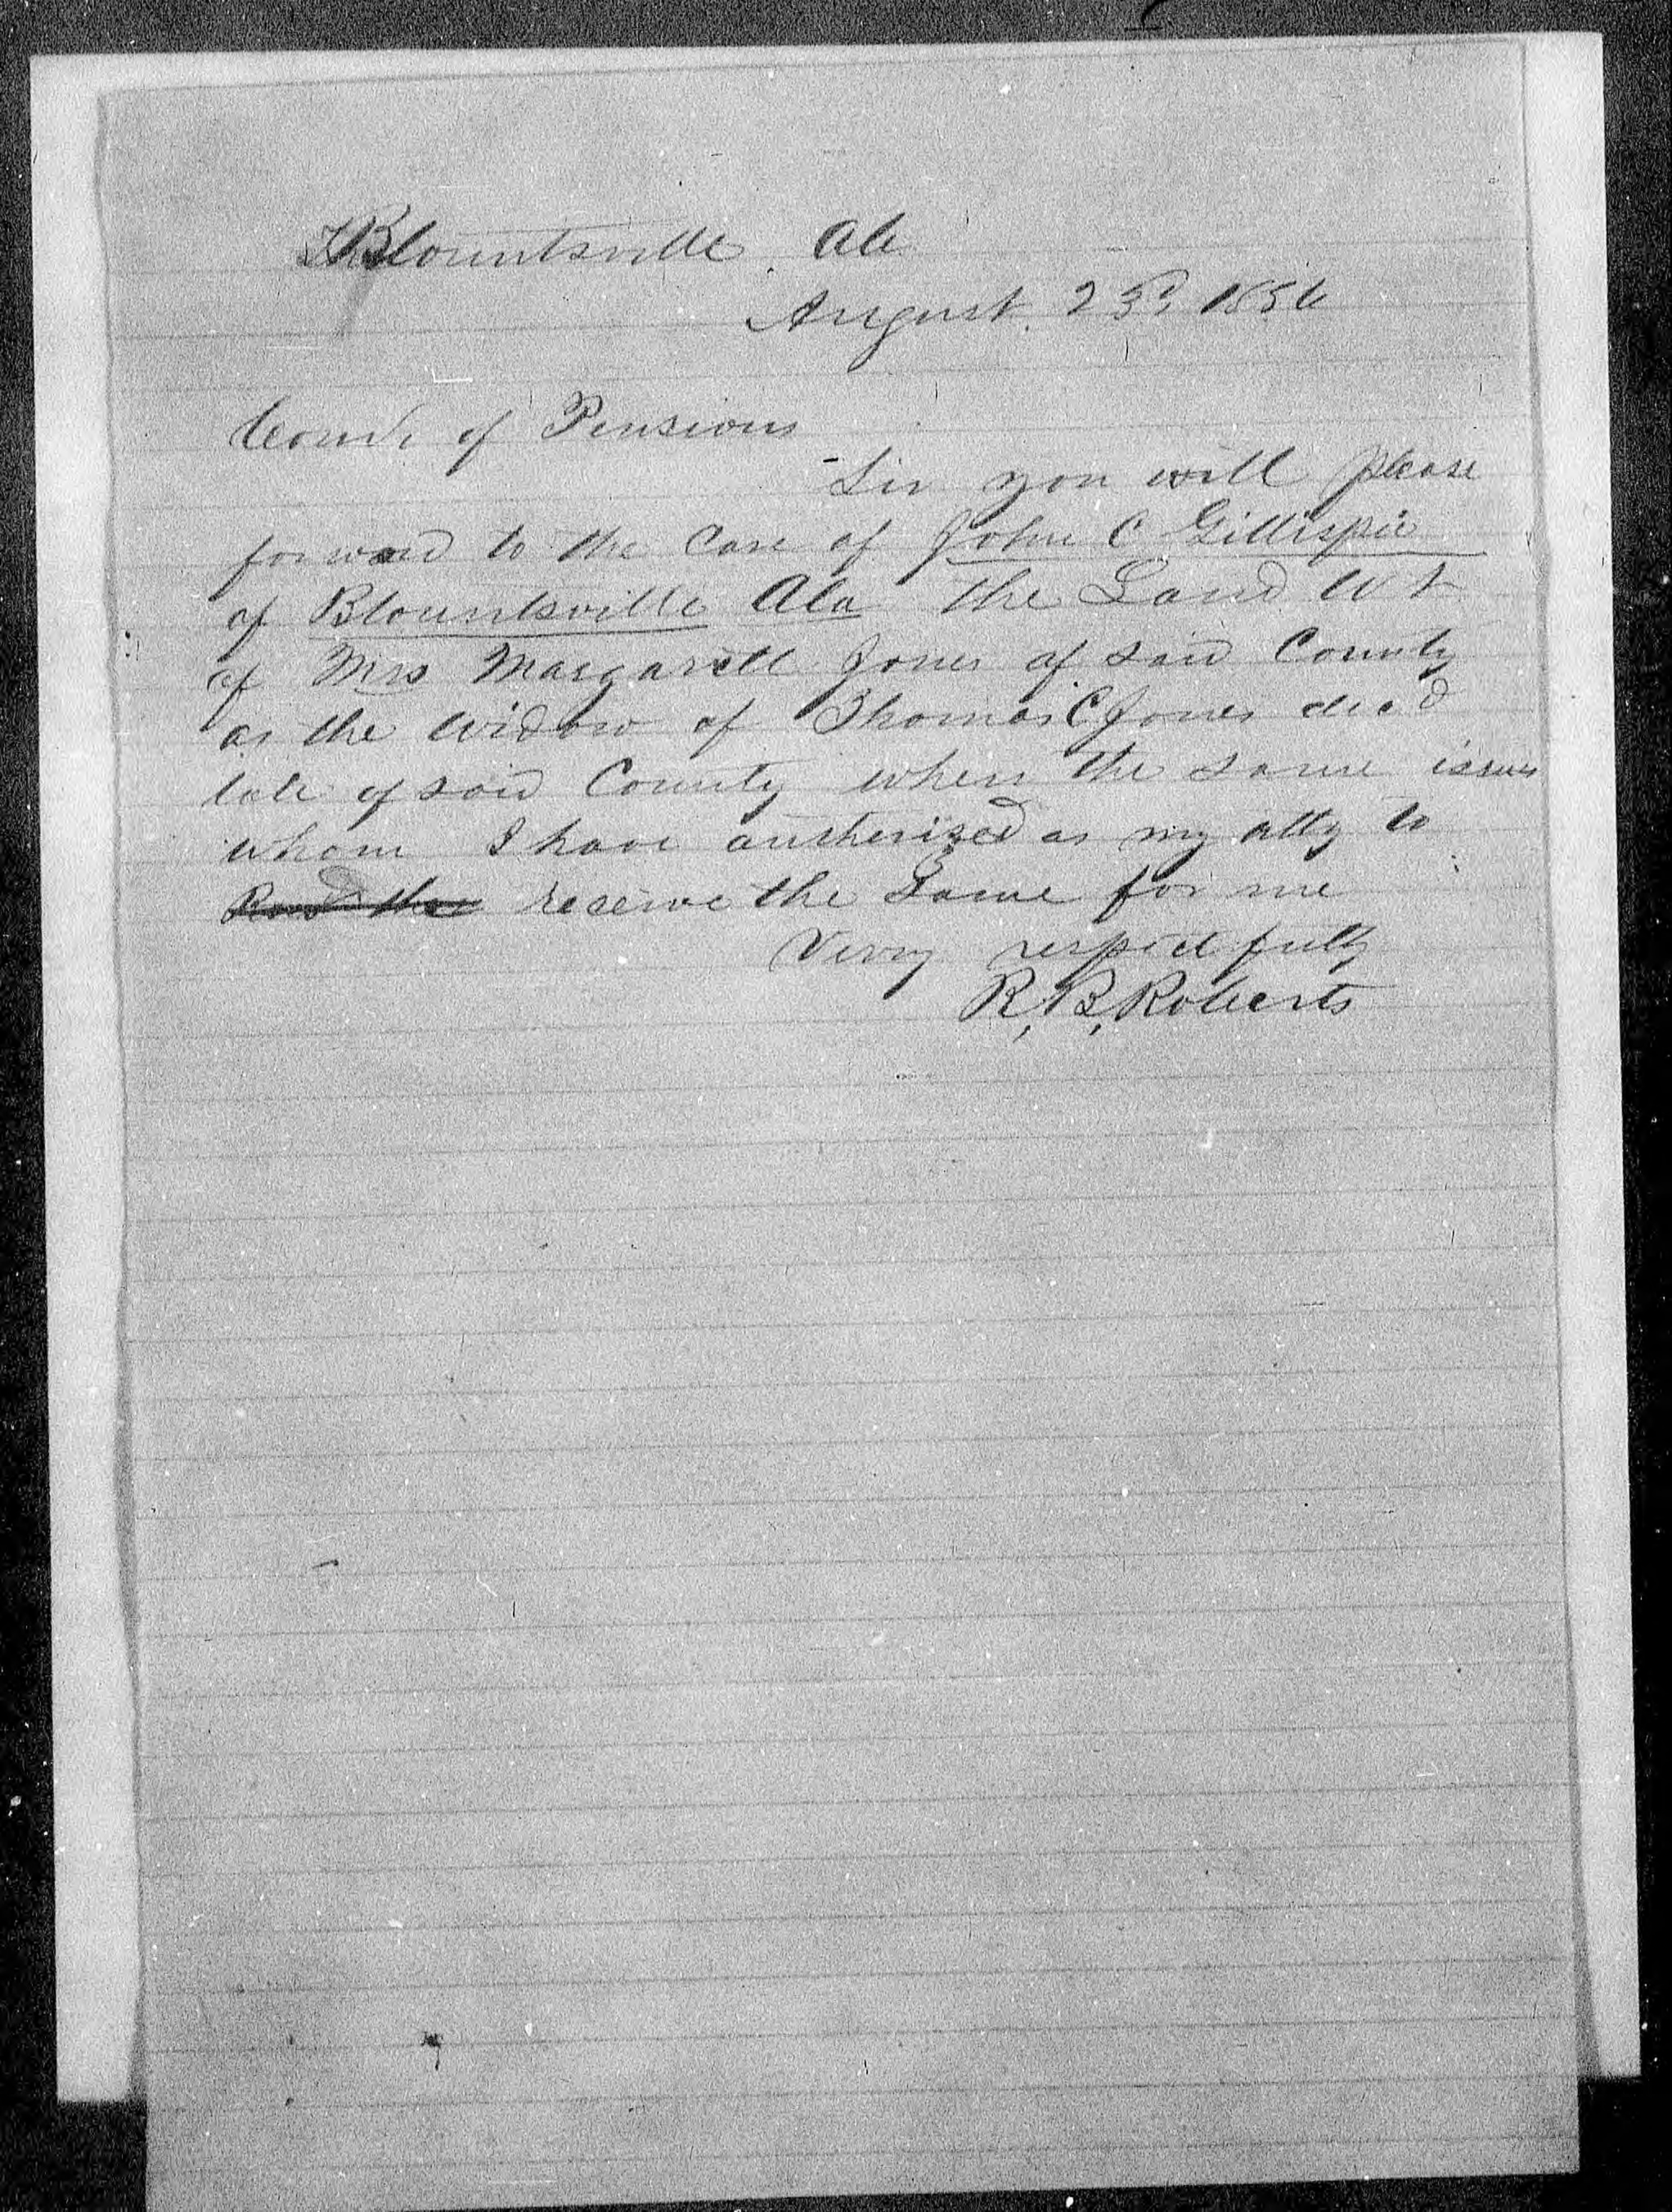Blountsville Ala

August 23rd 1856

Court of Pensions

Sir you will please 
forward to the care of John C. Gillispie
of Blountsville Ala the Land [illegible]
of Mrs. Margarett Jones of said county 
as the widow of Thomas C Jones died 
date of said County where the same issued
whom I have authorized as my atty to 
receive the same for me

Very respecfully
R. B. Roberts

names: John C Gillispie; Margarett Jones; R B Roberts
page: 36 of 45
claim: widow's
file: W. 26160, for Thomas C Jones, Georgia